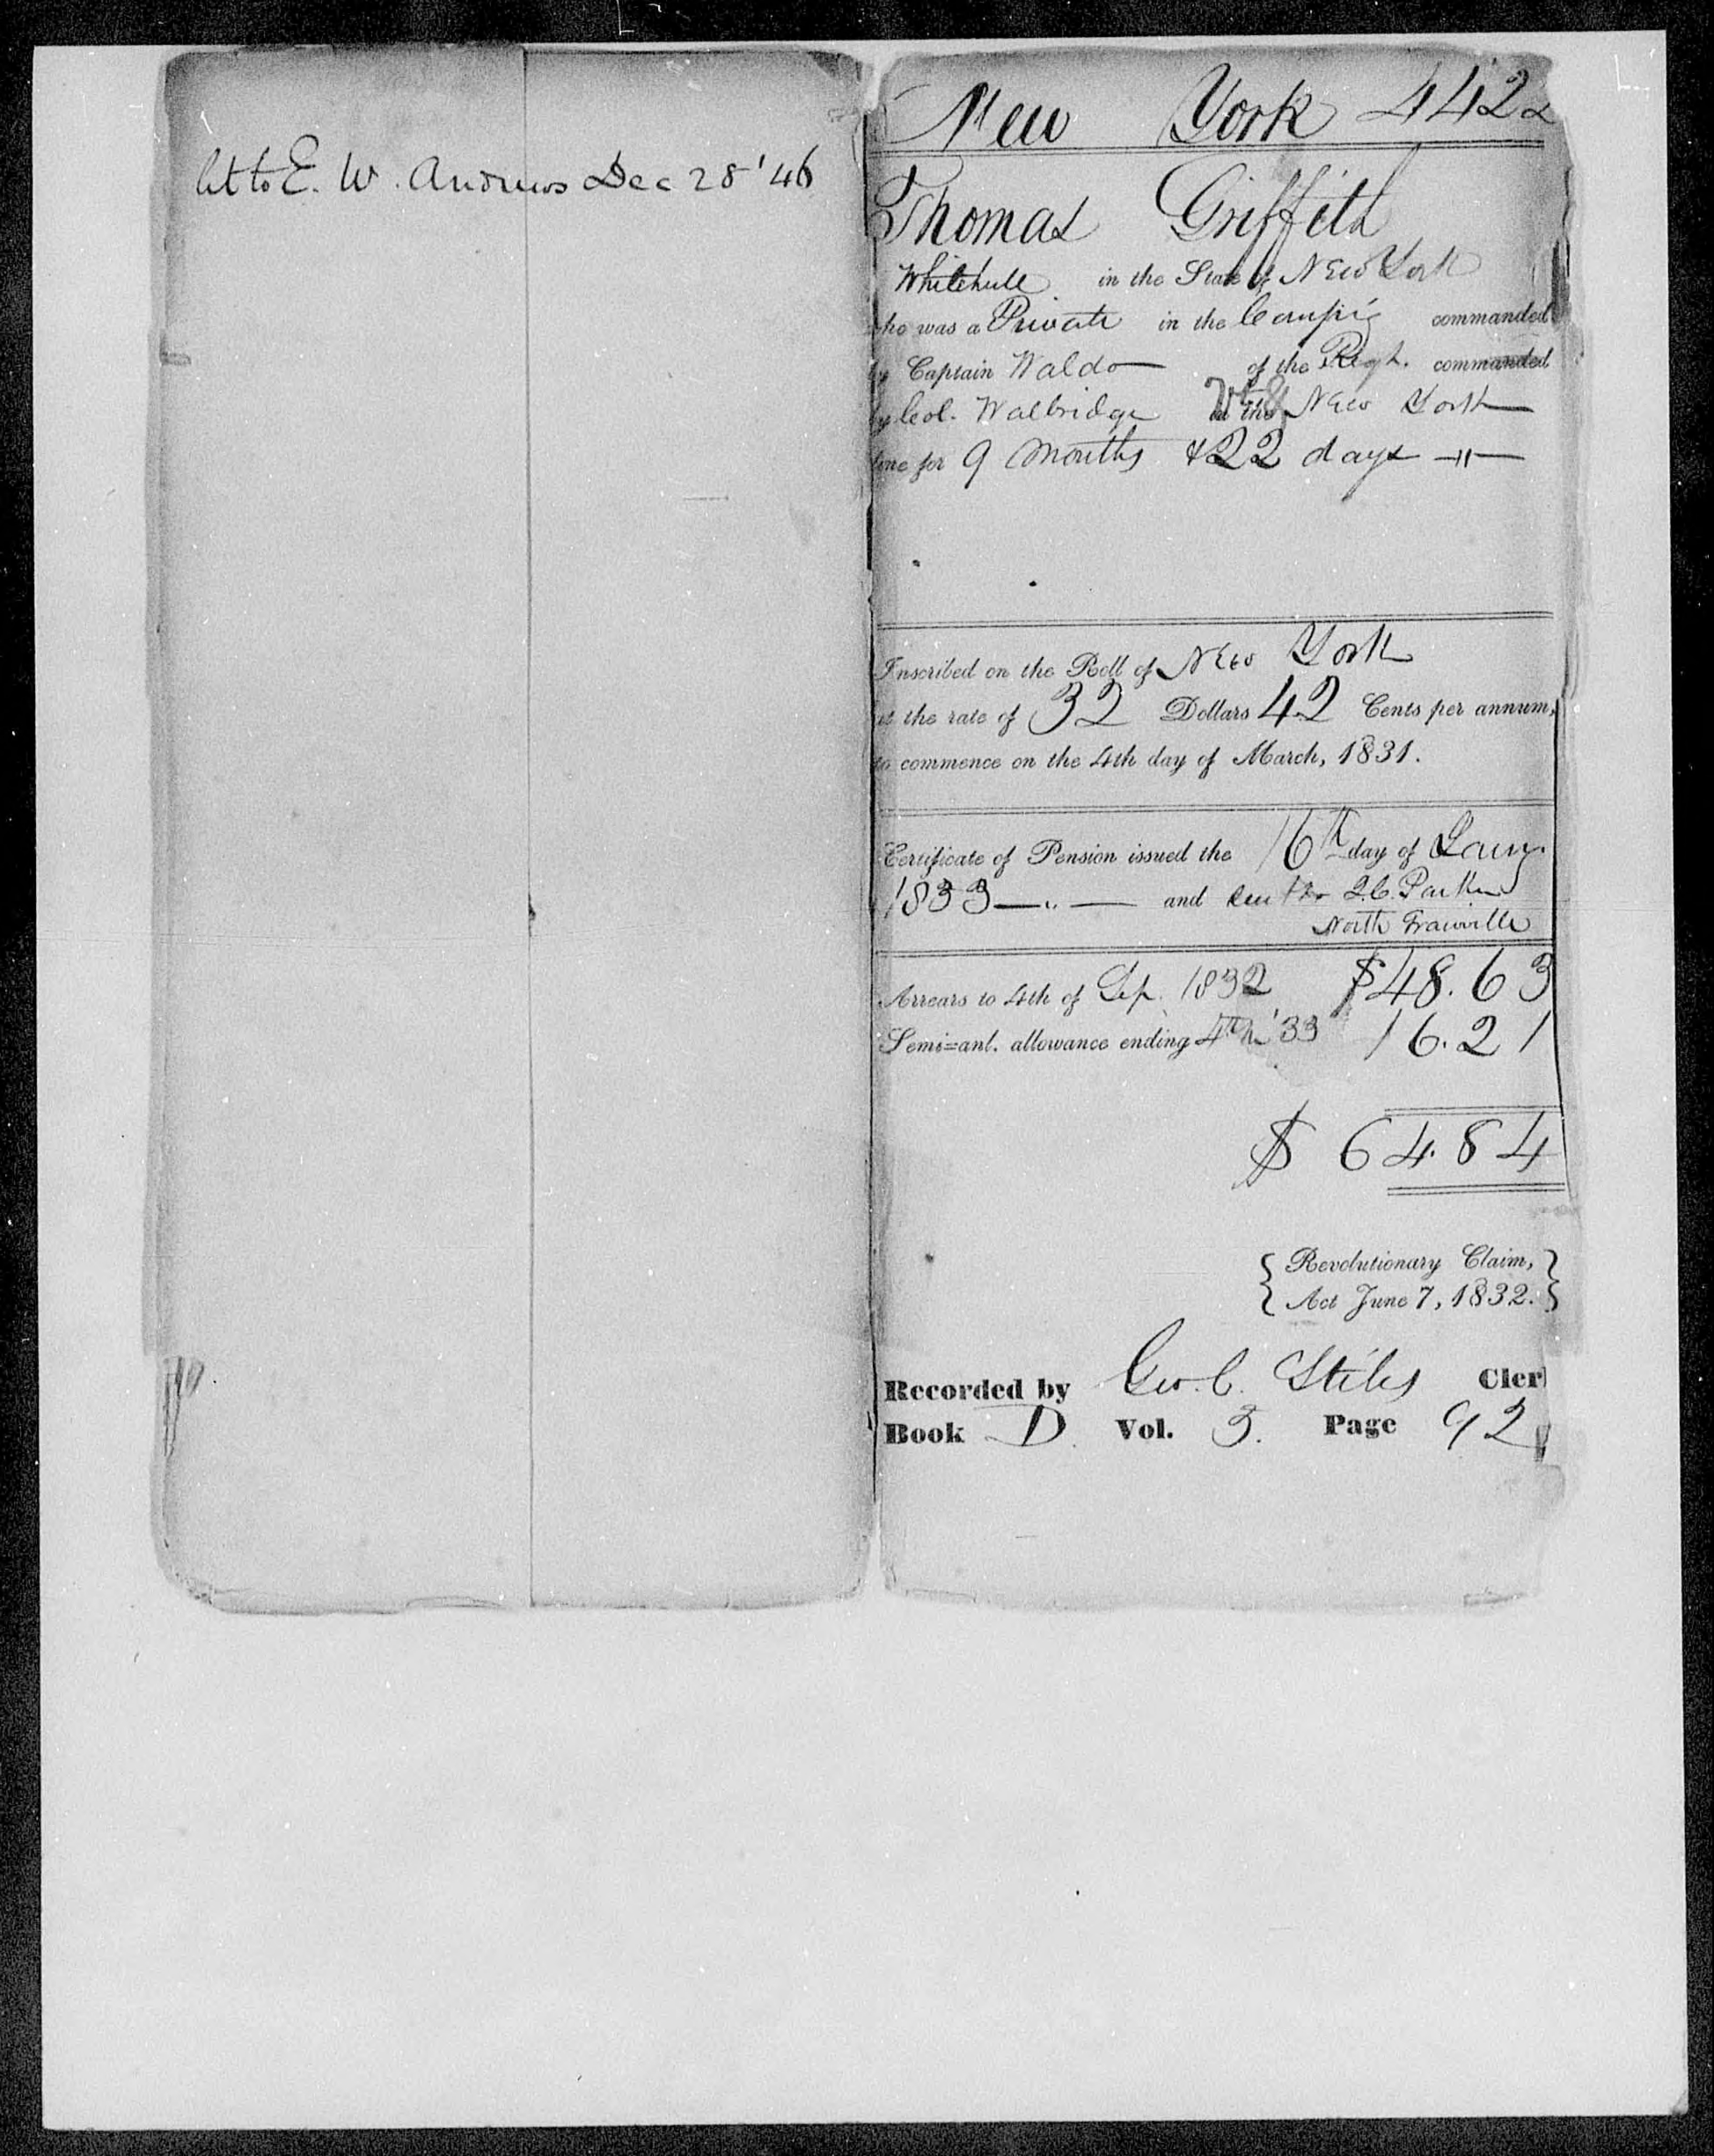(left side) 
Let to E. W Andrews Dec 28 '46

(right side)
4422
New York
Thomas Griffith
of Whitehall in the State of New York
who was a Private in the Compy commanded by Captain Waldo of the Regt. commanded by Col. Walbridge in the Vt & New York line for 9 months & 22 days

Inscribed on the Roll of New York at the rate of 32 Dollars 42 Cents per annum, to commence on the 4th day of March, 1831.

Certificate of Pension issued the 16th day of Jany 1833 and sent to J. C. Parker North Granville

Arrears to 4th of Sep. 1832   $48.63
Semi=anl. allowance ending 4th Ma '33 16.21
$64.84

Revolutionary Claim, Act June 7, 1832.

Recorded by Geo. C. Stiles Clerk
Book D. Vol. 3. Page 92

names: Walbridge, J C Parker, Waldo, Thomas Griffith, E W Andrews, Geo C Stiles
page: 2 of 14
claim: survivor's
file: S. 23663, Thomas Griffith, New York Vt.